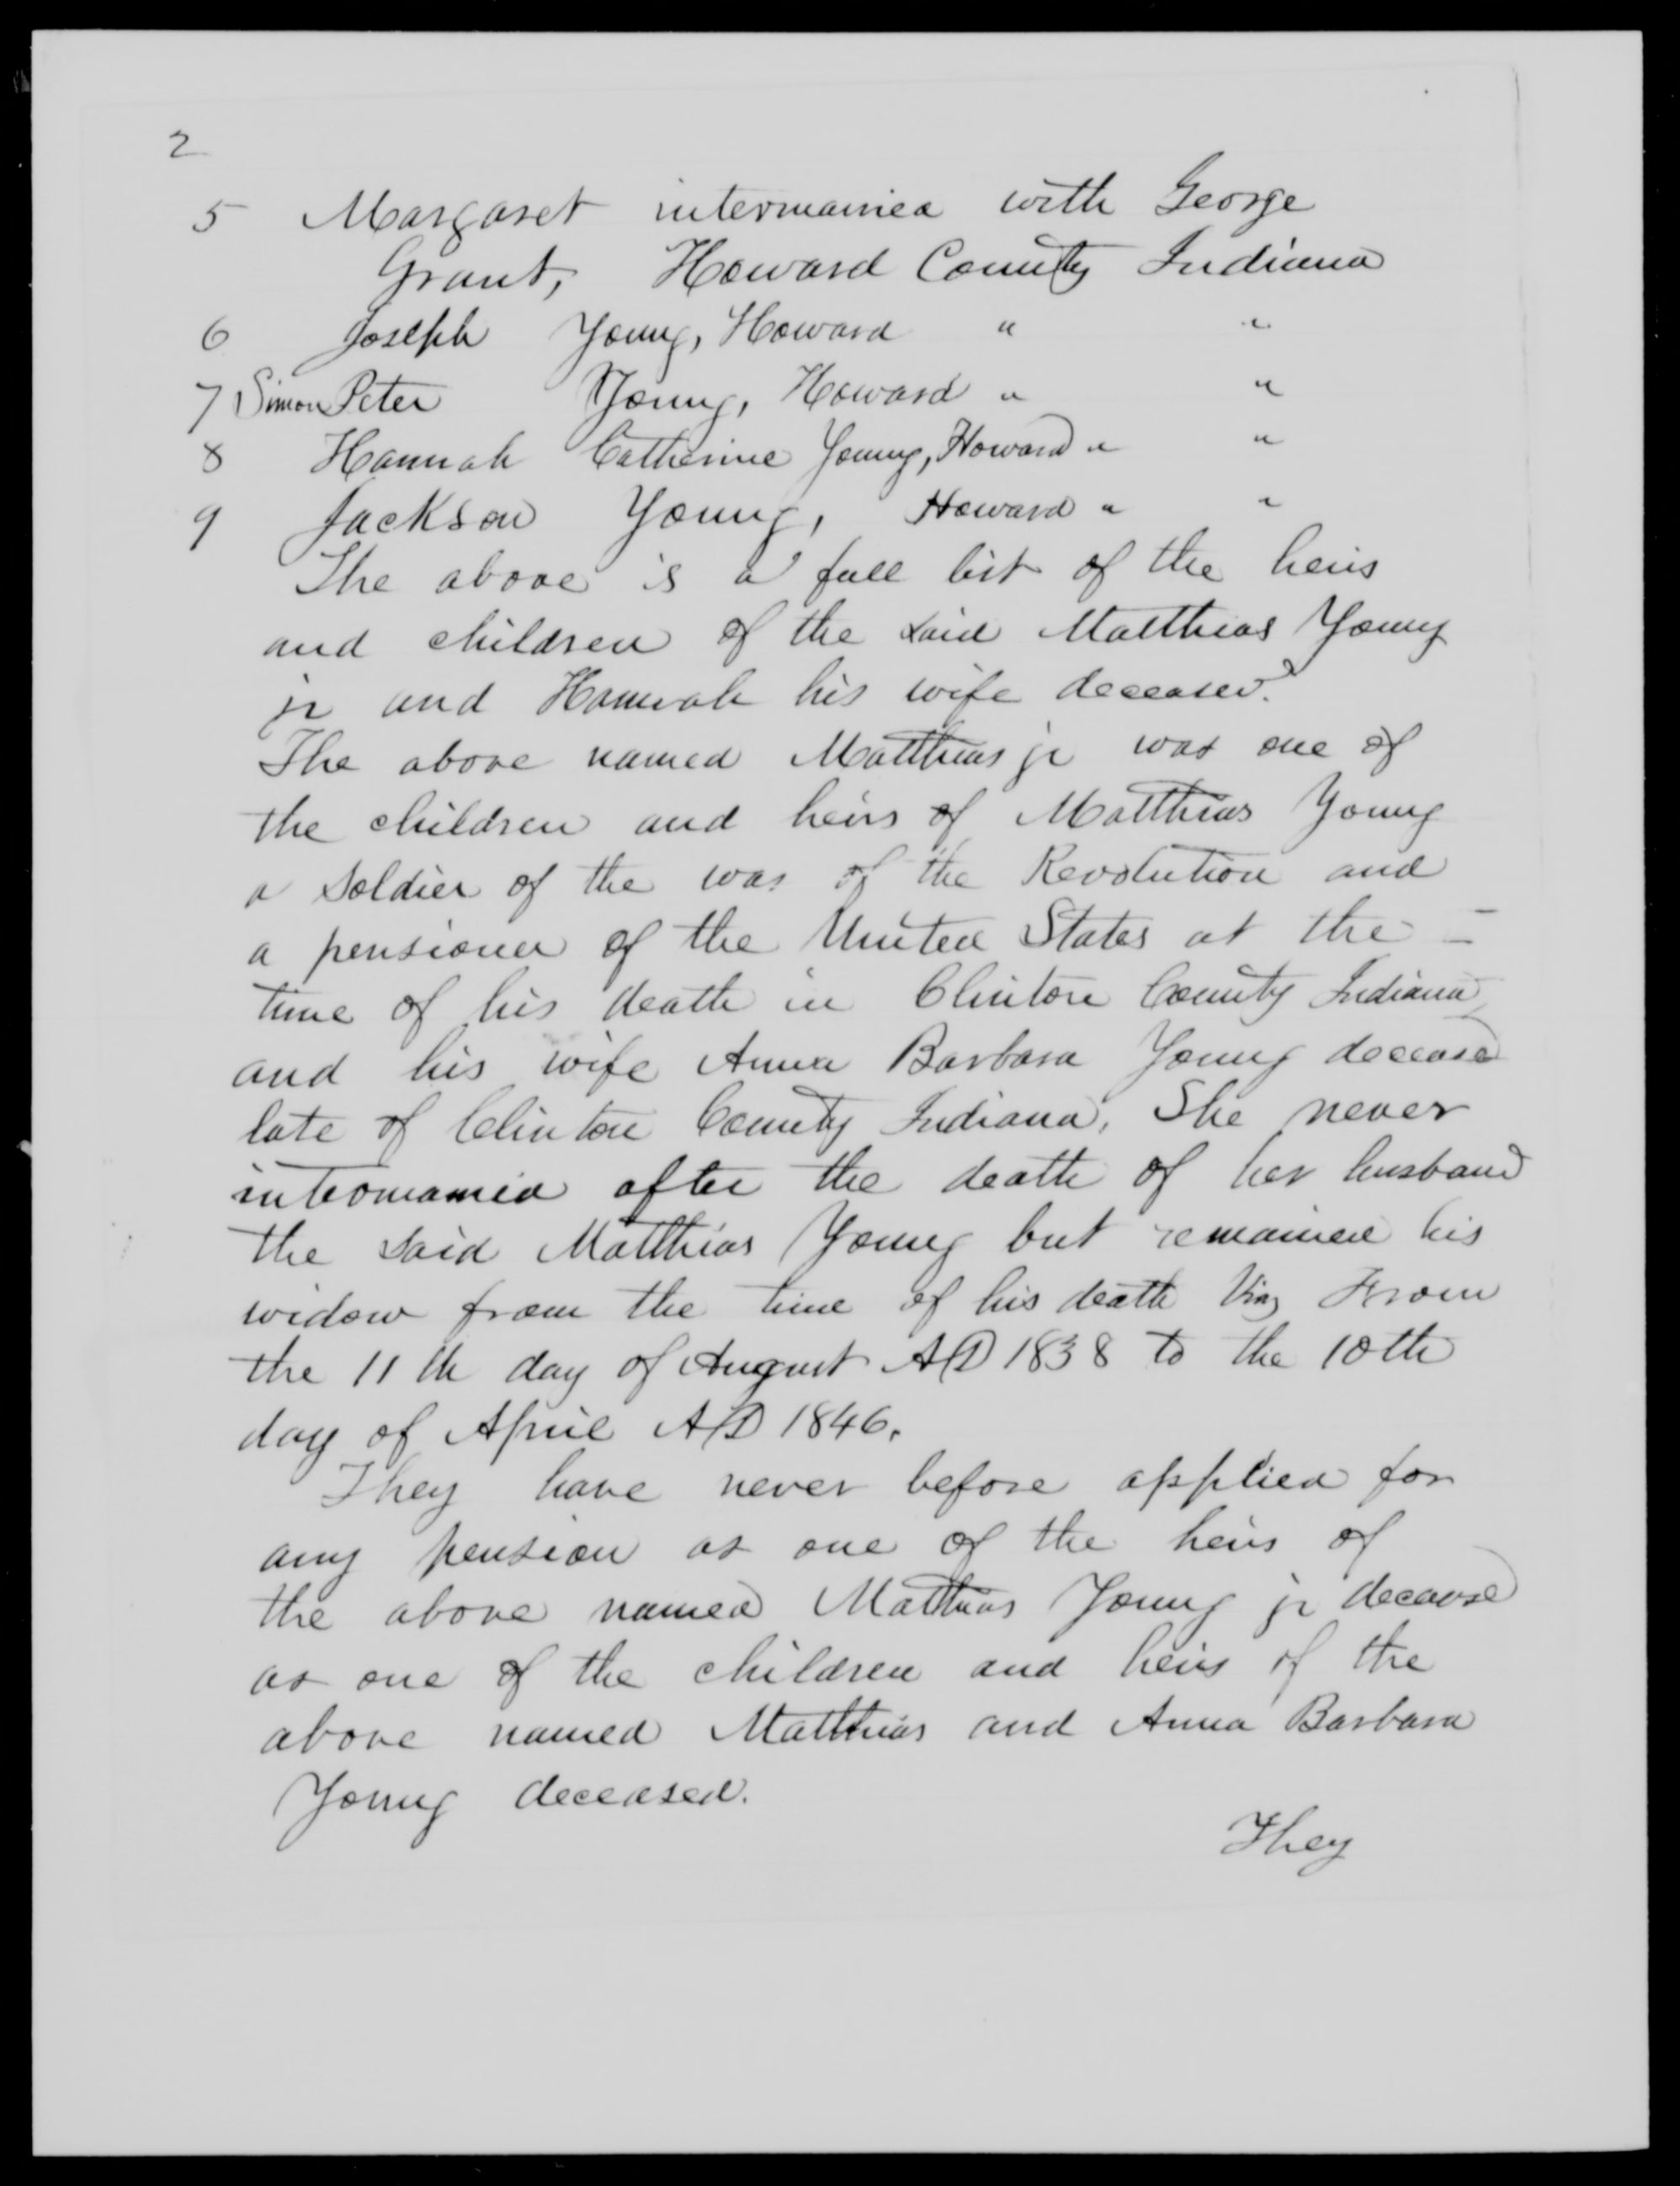2 
5 Margaret intermarried with George
Grant, Howard County Indiana
6 Joseph Young, Howard [County Indiana]
7 Simon Peter Young Howard [County Indiana]
8 Hannah Catherine Young, Howard [County Indiana]
9 Jackson Young, Howard [County Indiana] 
The above is a full list of the heirs
and children of the said Matthias Young jr
and Hannah his wife, deceased.
The above named Matthias Jr was one of the
children and heirs of Matthias Young,
a soldier of the war of the Revolution and
a pensioner of the United States at the
time of his death in Clinton County Indiana
and his wife Anna Barbara Young deceased,
late of Clinton County Indiana, She never
intermarried after the death of her husband
the said Matthias Young but remained his
widow from the time of his death viz from
the 11th day of August AD 1838 to the 10th
day of April AD 1846.
They have never before applied for
any pension as one of the heirs of
the above named Matthias Young Jr deceas’d
as one of the children and heirs of the
above named Matthias and Anna Barbara
Young deceased. They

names: Margaret, Joseph Young, Anna Barbara Young, Hannah Catherine Young, Jackson Young, Simon Peter Young, Hannah, George Grant, Matthias Young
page: 89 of 123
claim: rejected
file: R. 11,949, Matthias Young, Md.